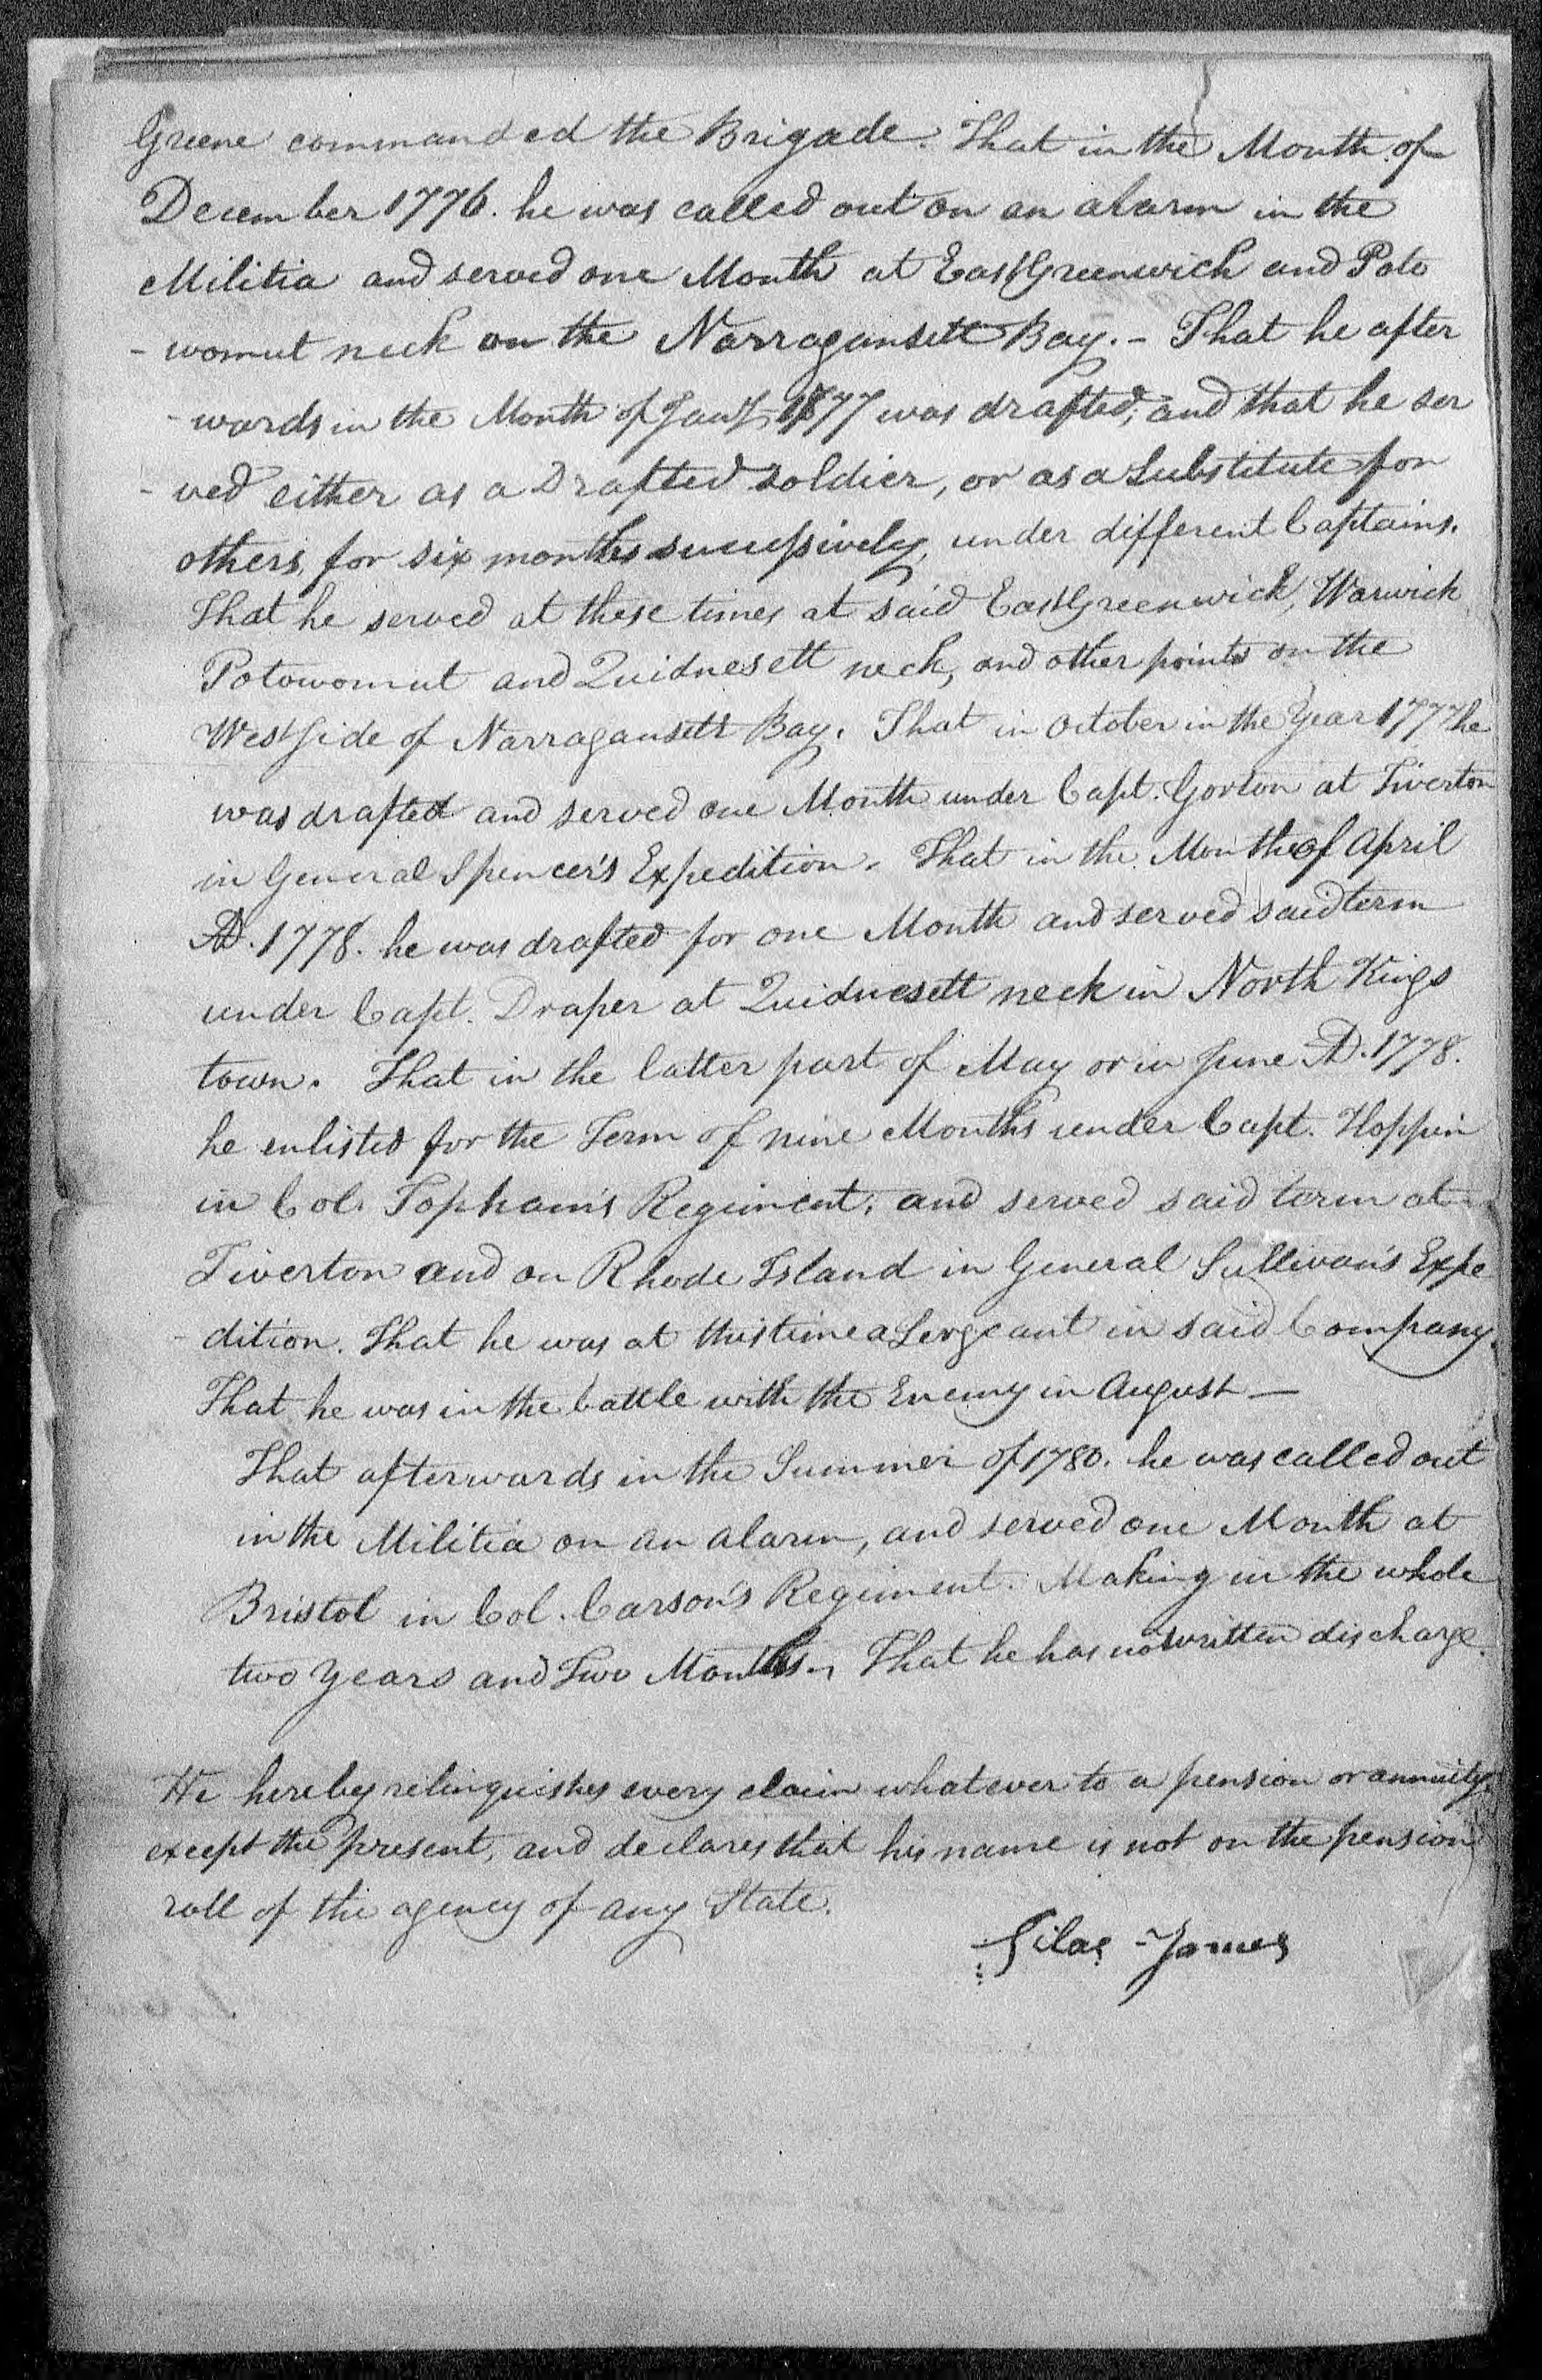Greene commanded the Brigade.  That in the Month of December 1776, he was called out on an alarm in the Militia and served one Month at East Greenwich and Potowomut neck on the Narragansett Bay.- That he afterwards in the Month of Janry 1777 was drafted; and that he served either as a Drafted soldier, or as a Substitute for others, for six months successively, under different Captains. That he served at these times at said East Greenwich, Warwick Potowomut and Quidnesett neck, and other points on the Westside of Narragensett Bay. That in October in the year 1777 he was drafted and served one Month under Capt. Gorton at Tiverton in General Spencer's Expedition. That in the Month of April AD. 1778, he was drafted for one Month and served said term under Capt. Draper at Quidnesett neck in North Kingstown.  That in the latter part of May or in June AD. 1778, he enlisted for the Term of nine Months under Capt. Hoppin in Col. Topham's Regiment, and served said term at Tiverton and on Rhode Island in General Sullivan's Expedition. That he was at this time a Sergeant in said Company. That he was in the battle with the Enemy in August -

That afterwards in the Summer of 1780, he was called out in the Militia on an alarm, and served one Month at Bristol in Col. Carson's Regiment. Making in the whole two years and Two Months- That he has no written discharge.

He hereby relinquishes every claim whatever to a pension or annuity, except the present, and declares that his name is not on the pension roll of the agency of any State.

Silas James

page: 10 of 41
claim: widow's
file: W. 24728, for Silas James, Rhode Island